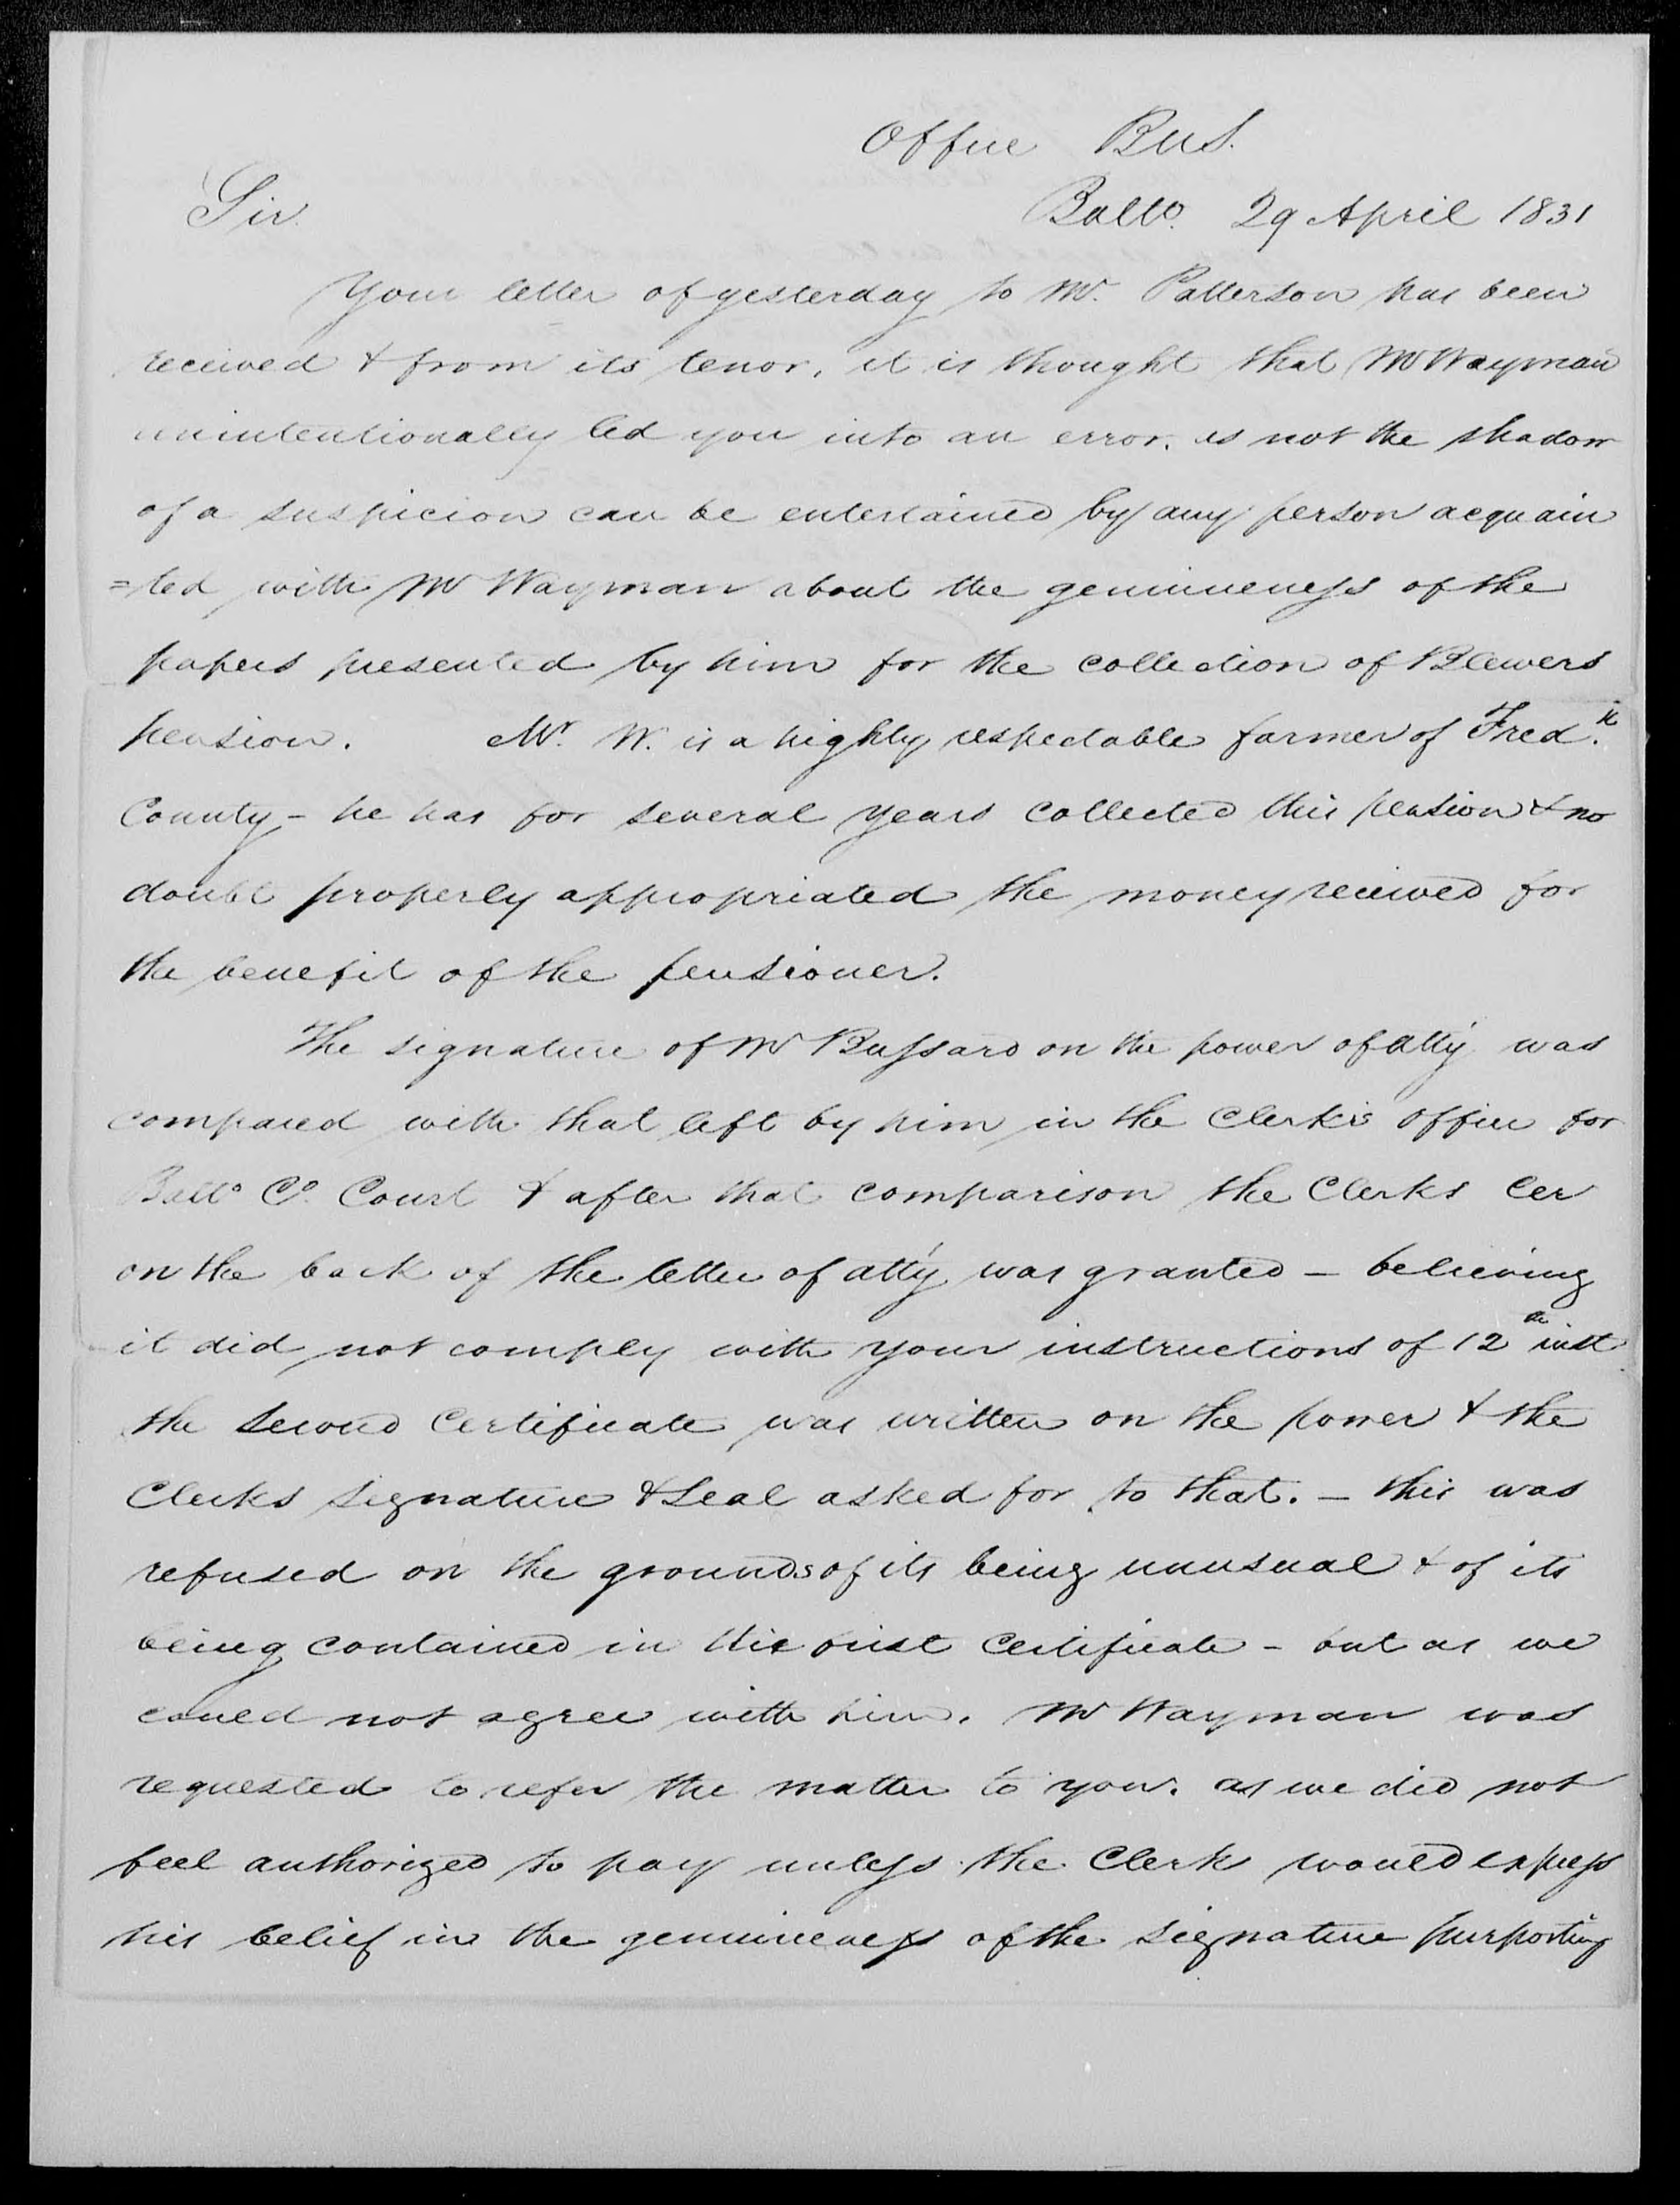Office Bus
Balto 29 April 1831

Sir

Your letter of yesterday to Mr. Patterson has been received & from its tenor, it is thought that Mr. Wayman unintentionally led you into an error is not the shadow of a suspicion can be entertained by any person acquainted with Mr. Wayman about the genuineness of the papers presented by him for the collection of Blewers pension. Mr. W. is a highly respectable farmer of Fred County - he has for several years collected this pension & no doubt properly appropriated the money received for the benefit of the pensioner.

The signature of Mr. Bussard on the power of atty was compared with that left by him in the clerk's office for Balt Co Court & after that comparison, the clerk cer on the back of the letter of atty was granted - believing it did not comply with your instructions of 12th inst. The second certificate was written on the power & the clerk's signature & seal asked for to that - this was refused on the grounds of it being unusual & of its being contained in the first certificate - but as we could not agree with him, Mr. Wayman was requested to defer the matter to you. As we did not feel authorized to pay unless the clerk would express his belief in the genuineness of the signature purporting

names: Wayman, Wayman, Bussard, Wayman, W, Patterson, Blewer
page: 14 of 30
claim: survivor's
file: S. 10093, James Blewer, Md.